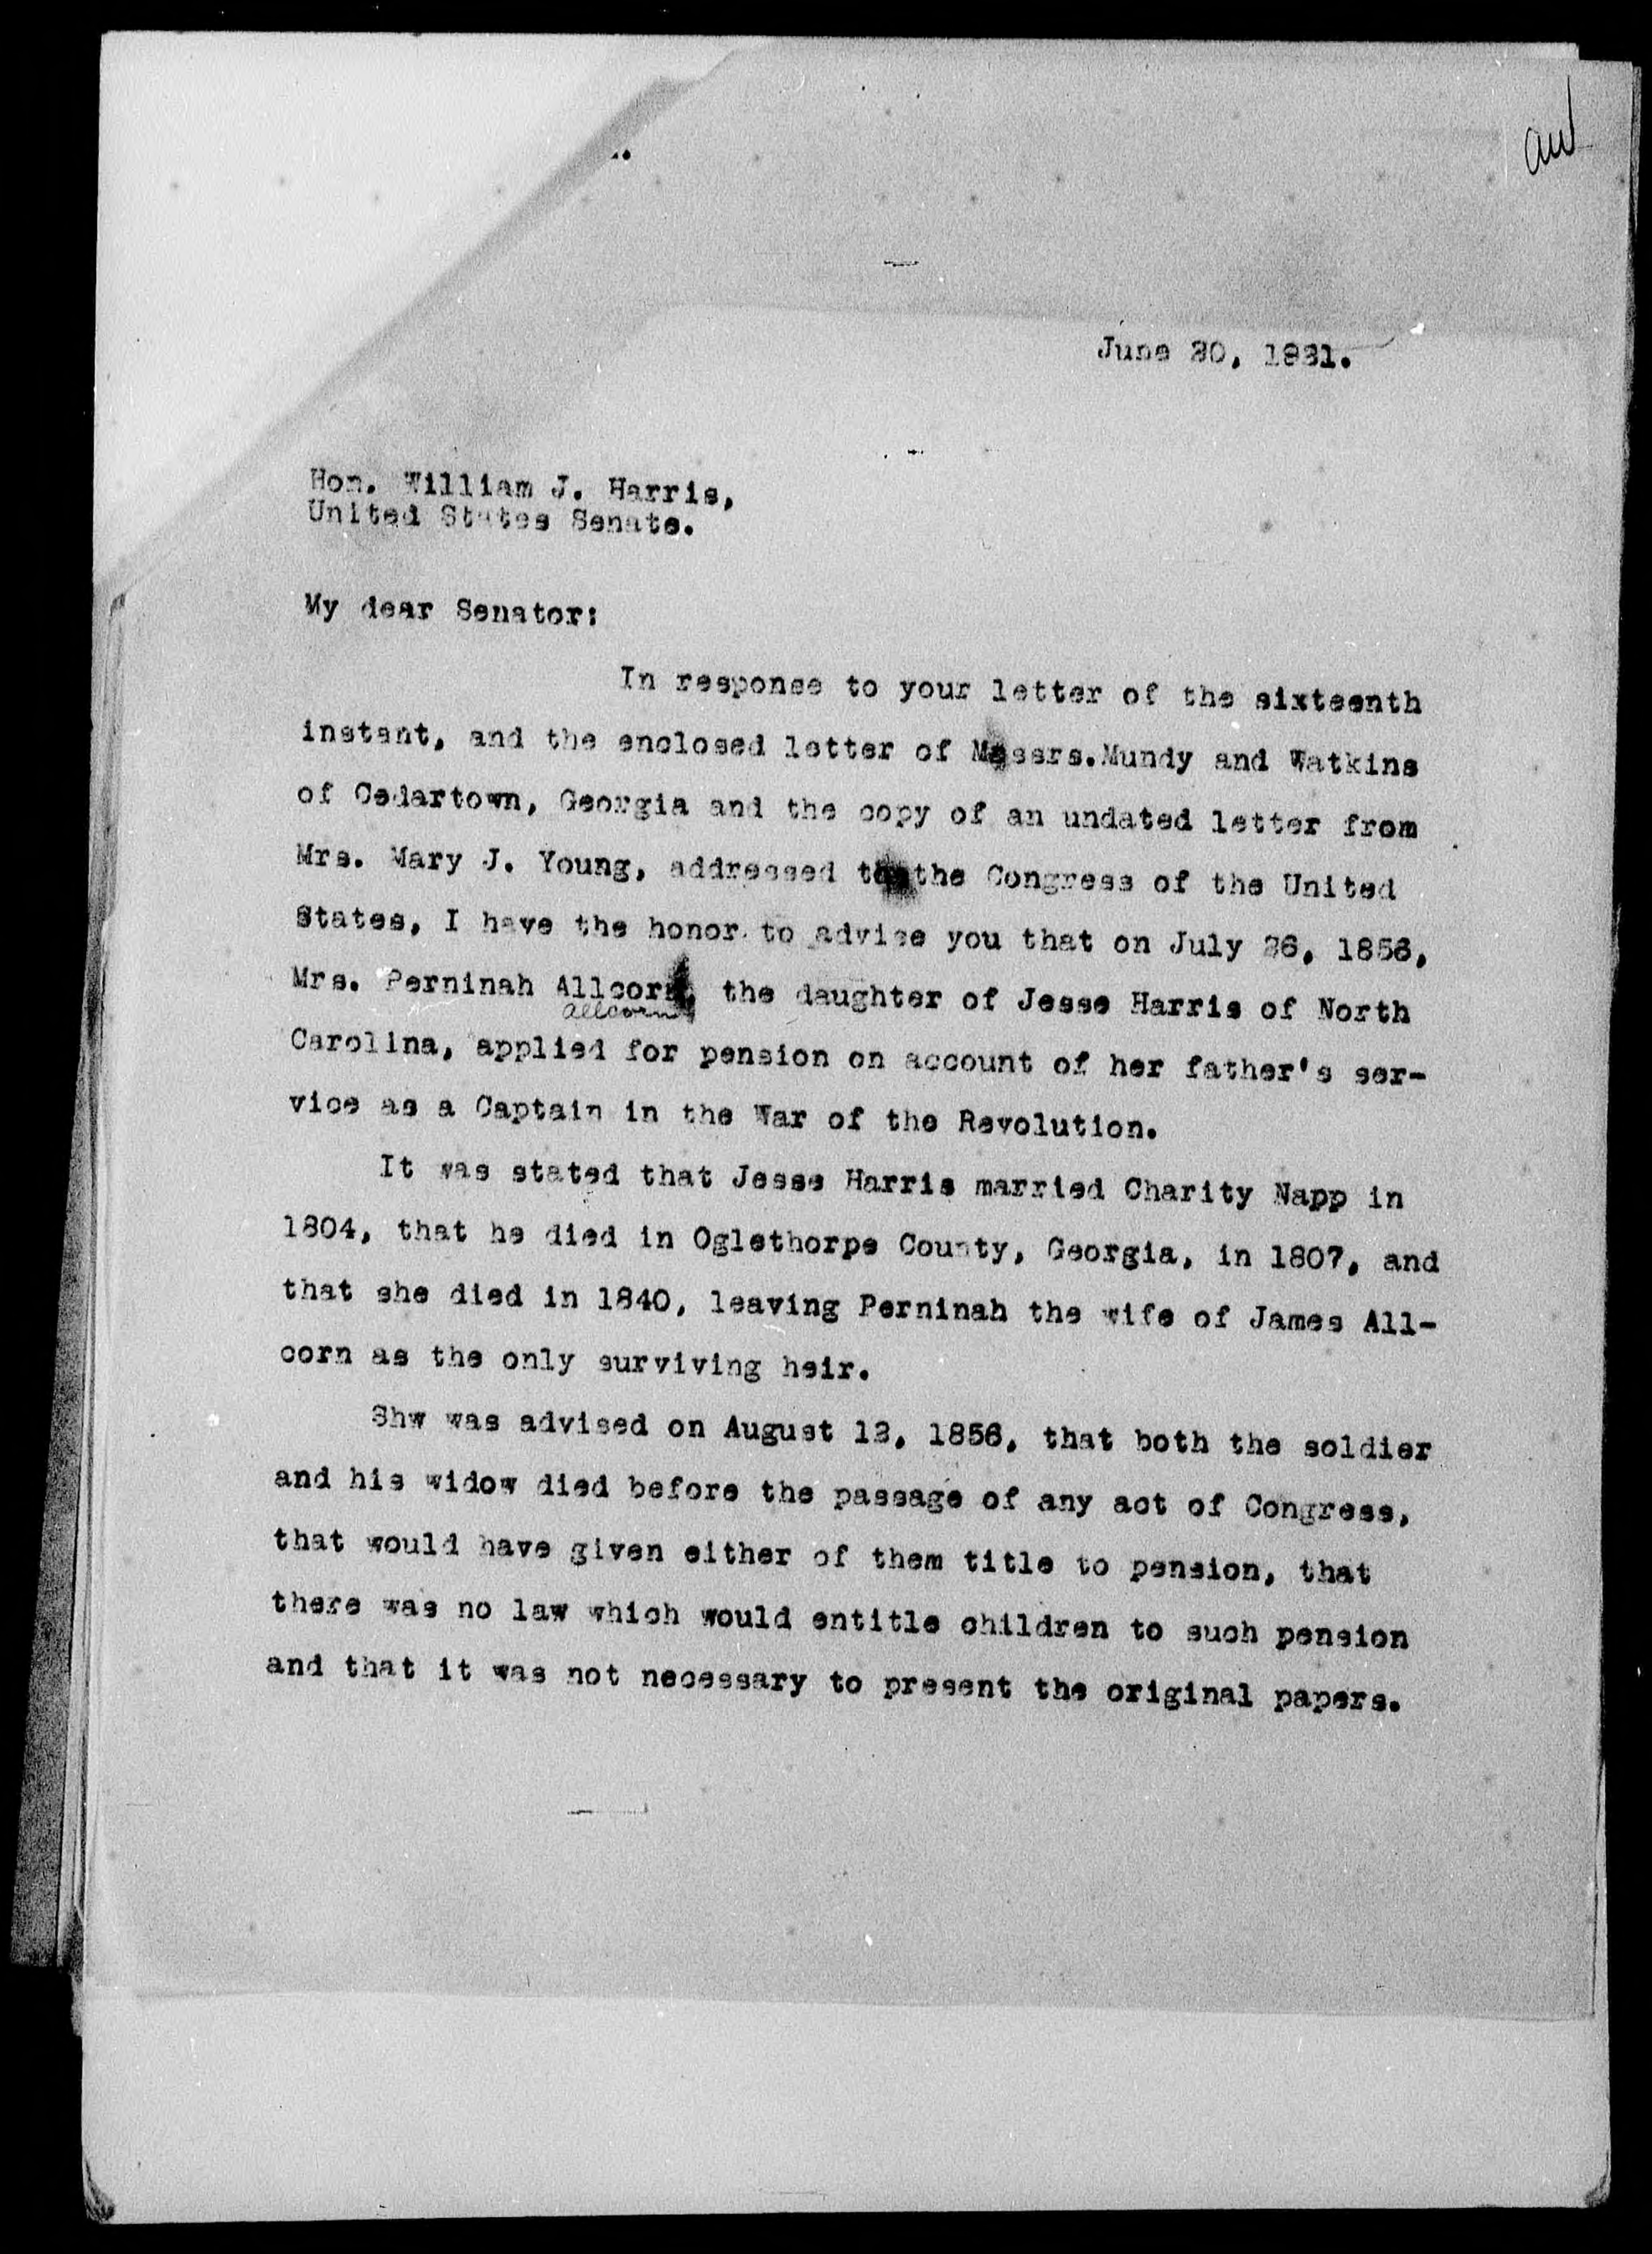Hon. William J. Harris,
United States Senate.

My dear Senator:
In response to your letter of the sixteenth instant, and the enclosed letter of Massrs. Mundy and Watkins of Cedartown, Georgia and the copy of an undated letter from Mrs. Mary J. Young, addressed to the Congress of the United States, I have the honor to advise you that on July 26, 1856, Mrs. Perninah Allcorn, the daughter of Jesse Harris of North Carolina, applied for pension on account of her father's service as a Captain in the War of the Revolution.
It was stated that Jesse Harris married Charity Napp in 1804, that he died on Oglethorpe County, Georgia, in 1807, and that she died in 1840, leaving Perninah the wife of James Allcorn as the only surviving heir.
She wsa advised on August 13, 1856, that both the soldier and his widow died before the passage of any act of Congress, that would have given either of them title to pension, that there was no law which would entitle children to such pension and that it was not necessary to present the original papers.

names: Perninah Allcorn, William J Harris, Jesse Harris, Jesse Harris, Perninah, Charity Napp, Mary J Young, James Allcorn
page: 21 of 32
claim: rejected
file: R. 4655, Jesse Harris, N.C.